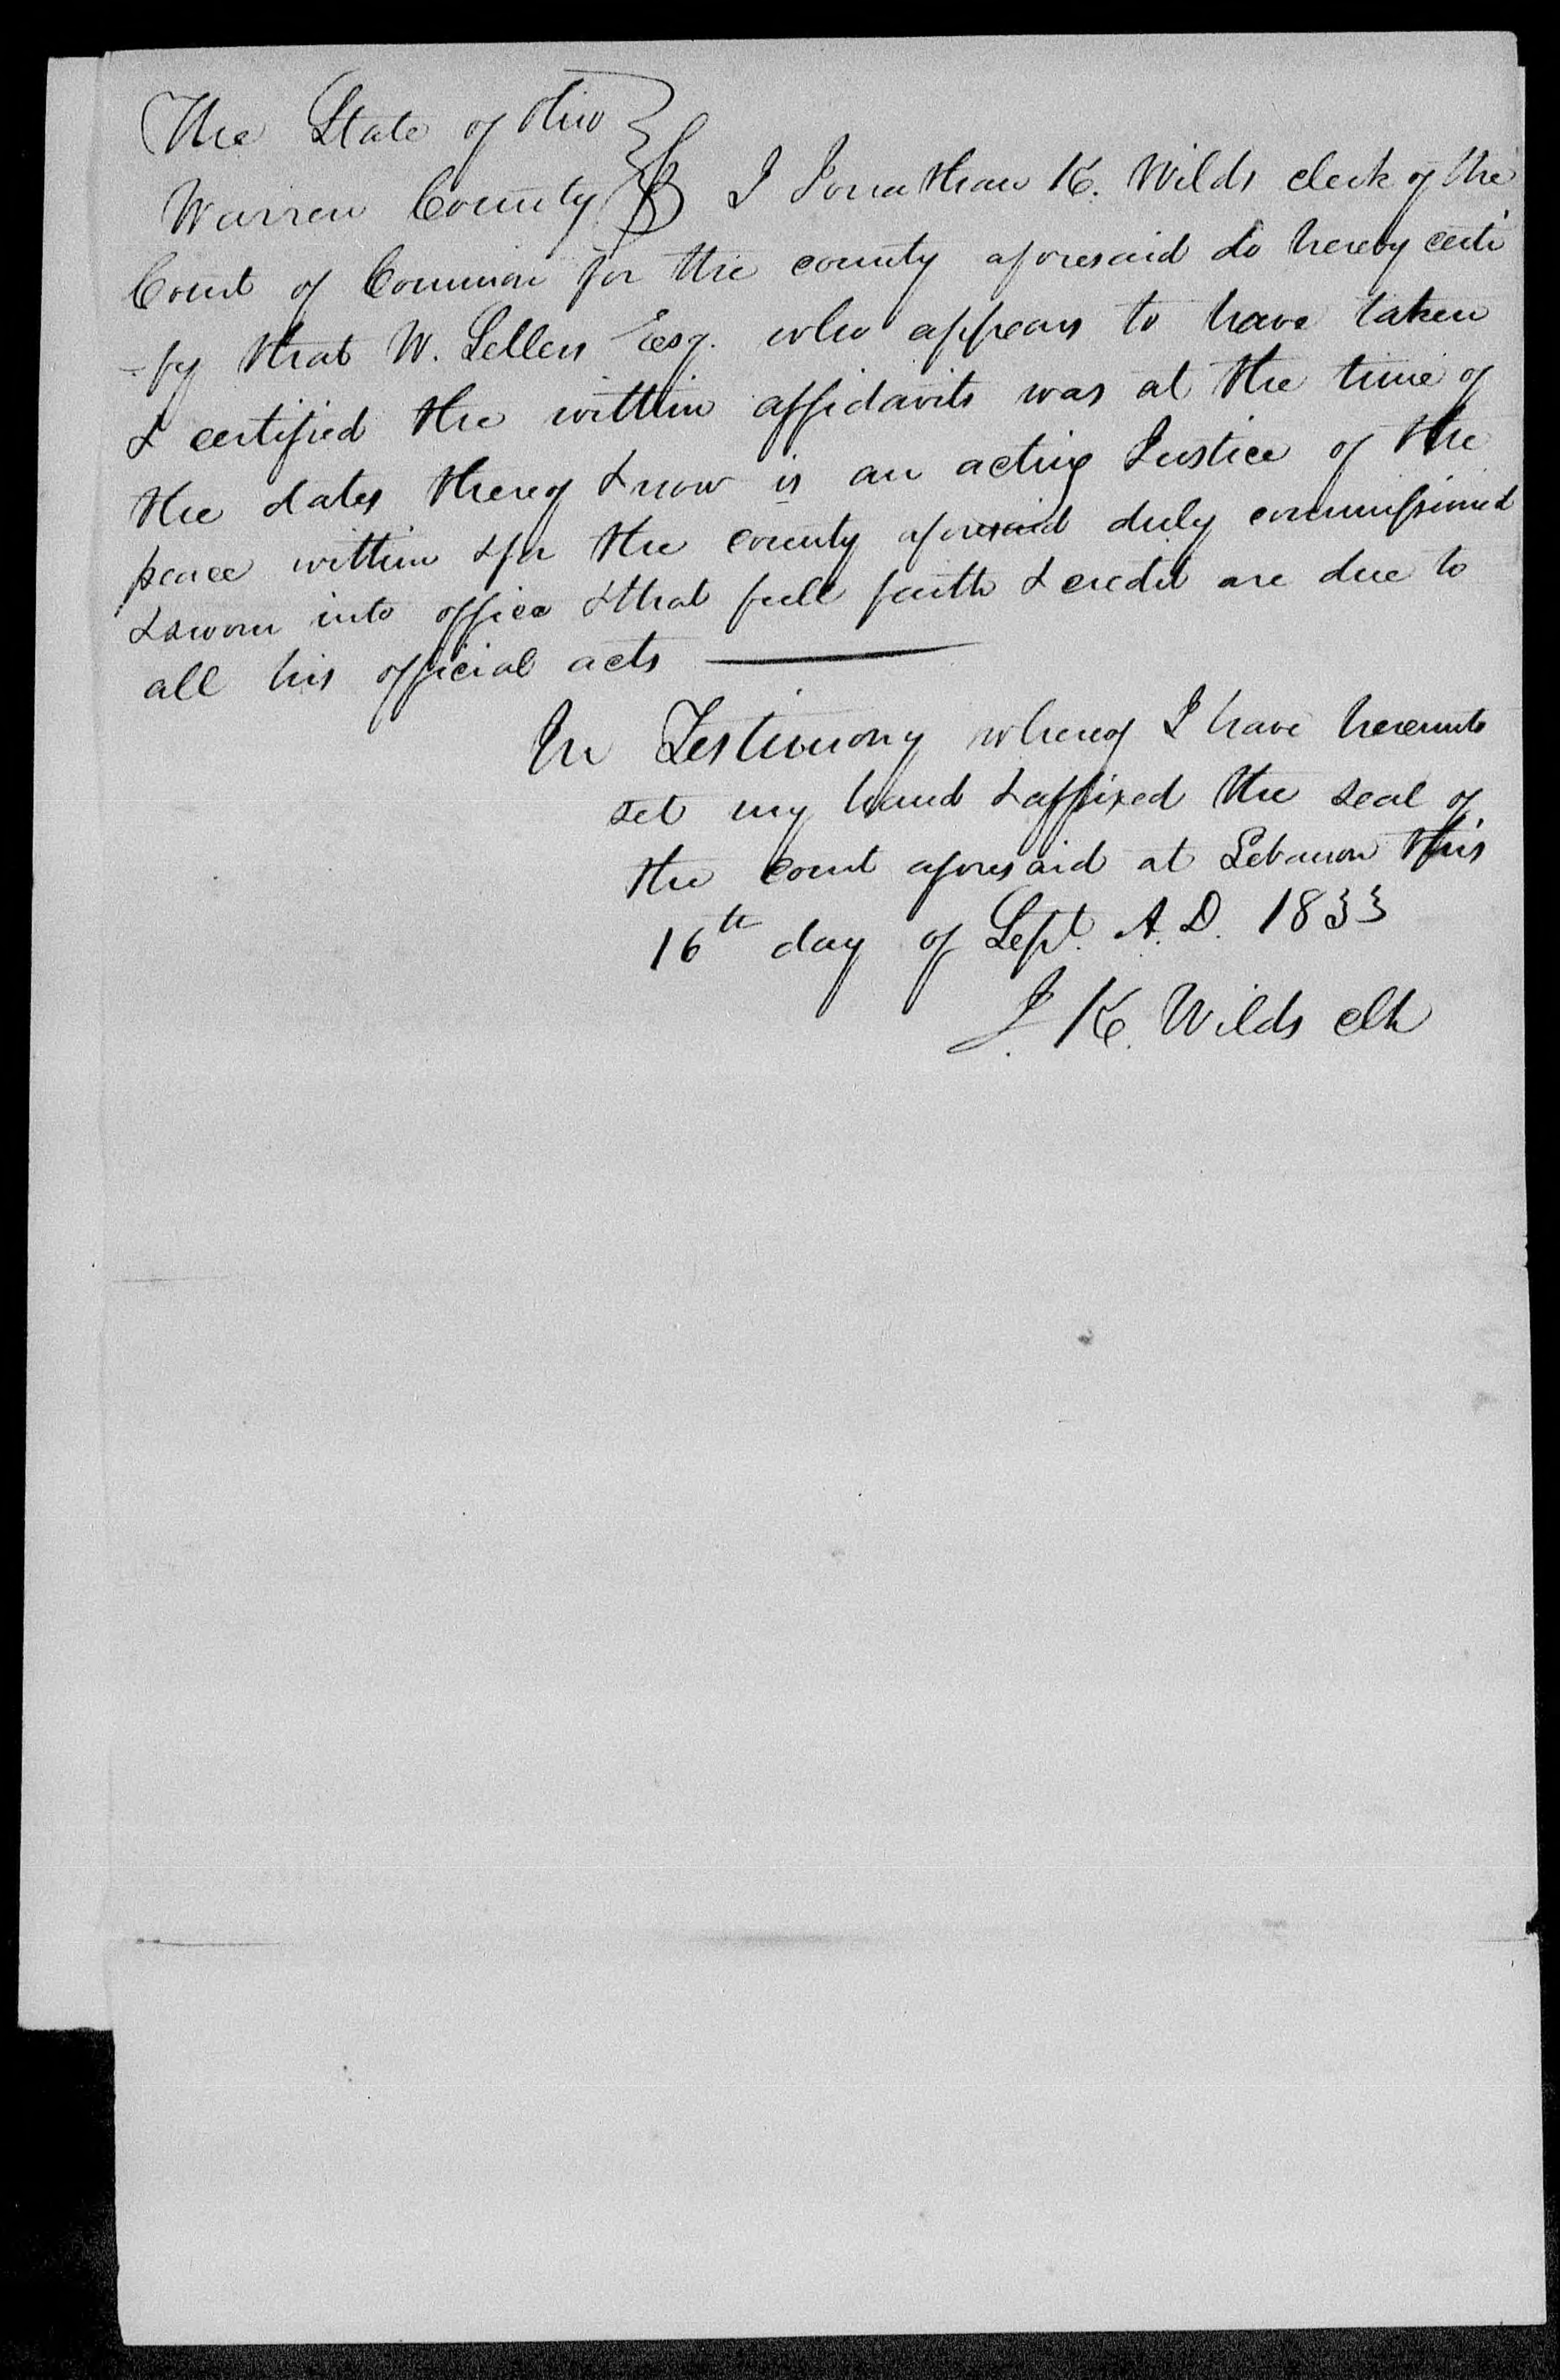the State of Ohio
Warren County

I Jonathan K. Wilds clerk of the
Court of Commons for the County aforesaid do hereby certify
that W. Sellers Esq. who appears to hve taken
& certified the within affidavits was at the time of
the dates thereof & now is an acting Justice of the
peace within & for the County aforesaid duly commissioned
sworn into office & that full faith & credit are due to
all his official acts.

In Testimony whereof I have hereunto
set my hand & affixed the seal of
the Court aforesaid at Lebanon this
16th day of Sept A.D. 1833
J. K. Wilds Clk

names: J K Wilds, W Sellers, Jonathan K Wilds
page: 7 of 37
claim: rejected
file: R. 2516, Moses Crosley, Md.